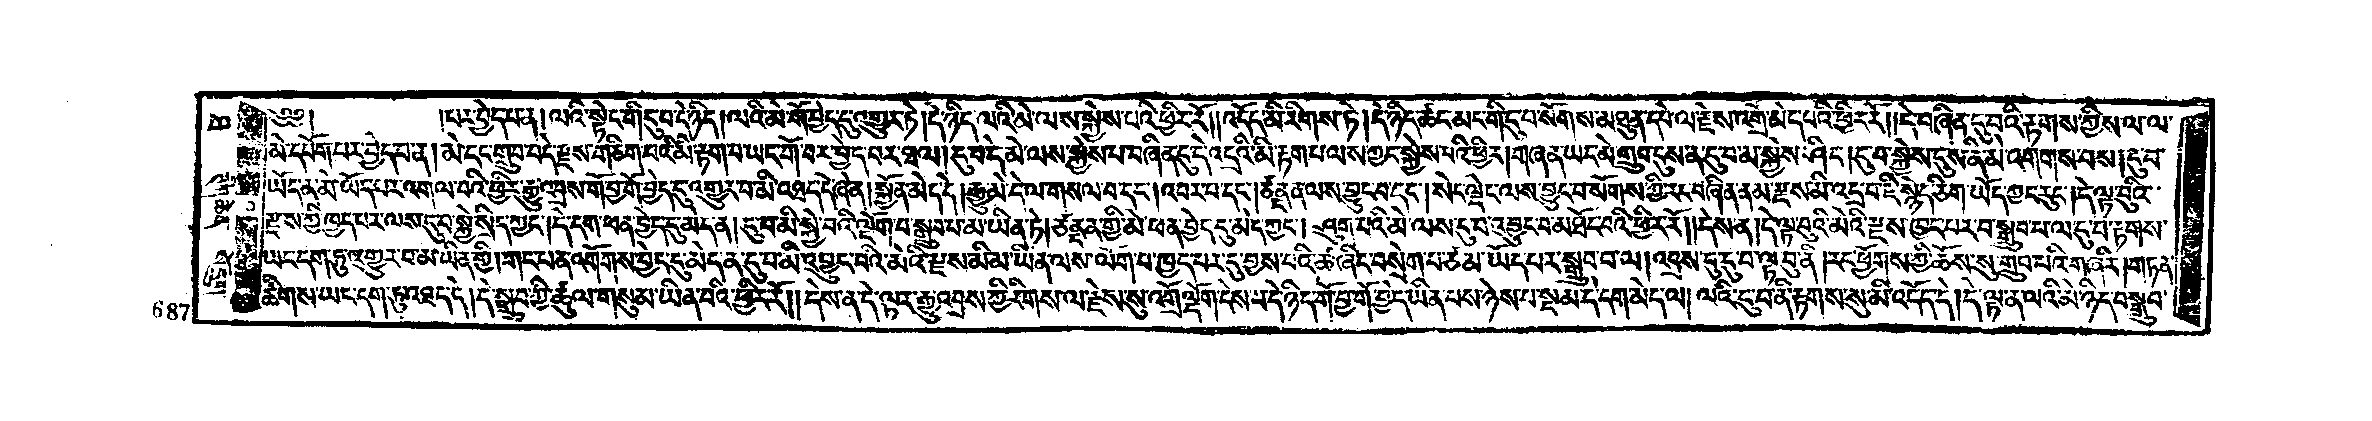༄༅། །པར་བྱེད་པ་ན། ལའི་སྟེང་གི་དུ་བ་དེ་ཉིད། ལའི་མེ་གོ་བྱེད་དུ་འགྱུར་ཏེ། དེ་ཉིད་ལའི་མེ་ལས་སྐྱེས་པའི་ཕྱིར་རོ། །འདོད་མི་རིགས་ཏེ། དེ་ཉིད་ཚང་མང་གི་དུ་བ་སོགས་མཐུན་དཔེ་ལ་རྗེས་འགྲོ་མེད་པའི་ཕྱིར་རོ། །དེ་བཞིན་དུ་བའི་རྟགས་ཀྱིས་ལ་ལ་
མེ་དཔོག་པར་བྱེད་པ་ན། མེ་དང་གྲུབ་བདེ་རྫས་གཅིག་པའི་མི་རྟག་པ་ཡང་གོ་བར་བྱེད་པར་ཐལ། དུ་བ་དེ་མེ་ལས་སྐྱེས་པ་བཞིན་དུ་དེ་འདྲའི་མི་རྟག་པ་ལས་ཀྱང་སྐྱེས་པའི་ཕྱིར། གཞན་ཡང་མེ་གྲུབ་དུས་ན་དུ་བ་མ་སྐྱེས་ཤིང་། དུ་བ་སྐྱེས་དུས་ནི་མེ་འགགས་པས། དུ་བ་
ཡོད་ན་མེ་ཡོད་པར་འགལ་བའི་ཕྱིར་རྒྱུ་འབྲས་གོ་བྱ་གོ་བྱེད་དུ་འགྱུར་བ་མི་འཐད་དེ་ཞེ་ན། སྐྱོན་མེད་དེ། རྒྱུ་མེ་དེ་ལ་གསལ་བ་དང་། འབར་པ་དང་། ཙནྡན་ལས་བྱུང་བ་དང་། སེང་ལྡེང་ལས་བྱུང་བ་སོགས་ཀྱི་རང་བཞིན་ནམ་རྫས་མི་འདྲ་བ་ཇི་སྙེད་ཅིག་ཡོད་ཀྱང་རུང་། དེ་ལྟ་བུའི་
རྫས་ཀྱི་ཁྱད་པར་ལས་དུ་བ་སྐྱེ་སྲིད་ཀྱང་། དེ་དག་ཕན་བྱེད་དུ་མེད་ན། དུ་བ་མི་སྐྱེ་བའི་ལྡོག་པ་སྒྲུབ་པ་མ་ཡིན་ཏེ། ཙནྡན་གྱི་མེ་ཕན་བྱེད་དུ་མེད་ཀྱང་། ཤུག་པའི་མེ་ལས་དུ་བ་འབྱུང་བ་མཐོང་བའི་ཕྱིར་རོ། །དེས་ན། དེ་ལྟ་བུའི་མེའི་རྫས་ཁྱད་པར་བསྒྲུབ་པ་ལ་དུ་བ་རྟགས་
ཡང་དག་ཏུ་འགྱུར་བ་མ་ཡིན་གྱི། གང་ཕན་འགོགས་བྱེད་དུ་མེད་ན་དུ་བ་མི་འབྱུང་བའི་མེའི་རྫས་མི་མ་ཡིན་ལས་ལོག་པ་ཁྱད་པར་དུ་བྱས་པའི་ཚ་ཞིང་བསྲེག་པ་ཙམ་ཡོད་པར་སྒྲུབ་པ་ལ། འབྲས་བུ་དུ་བ་ལྟ་བུ་ནི། རང་ཕྱོགས་ཀྱི་ཆོས་སུ་གྲུབ་པའི་གཞིར། གཏན་
ཚིགས་ཡང་དག་ཏུ་འཐད་དེ། དེ་སྒྲུབ་ཀྱི་ཚུལ་གསུམ་ཡིན་པའི་ཕྱིར་རོ། །དེས་ན་དེ་ལྟར་རྒྱུ་འབྲས་ཀྱི་རིགས་ལ་རྗེས་སུ་འགྲོ་ལྡོག་ངེས་པ་དེ་ཉིད་གོ་བྱ་གོ་བྱེད་ཡིན་པས་ཉེས་པ་སྔ་མ་དེ་དག་མེད་ལ། ལའི་དུ་བ་ནི་རྟགས་སུ་མི་འདོད་དེ། དེ་ལྟ་ན་ལའི་མེ་ཉིད་བསྒྲུབ་